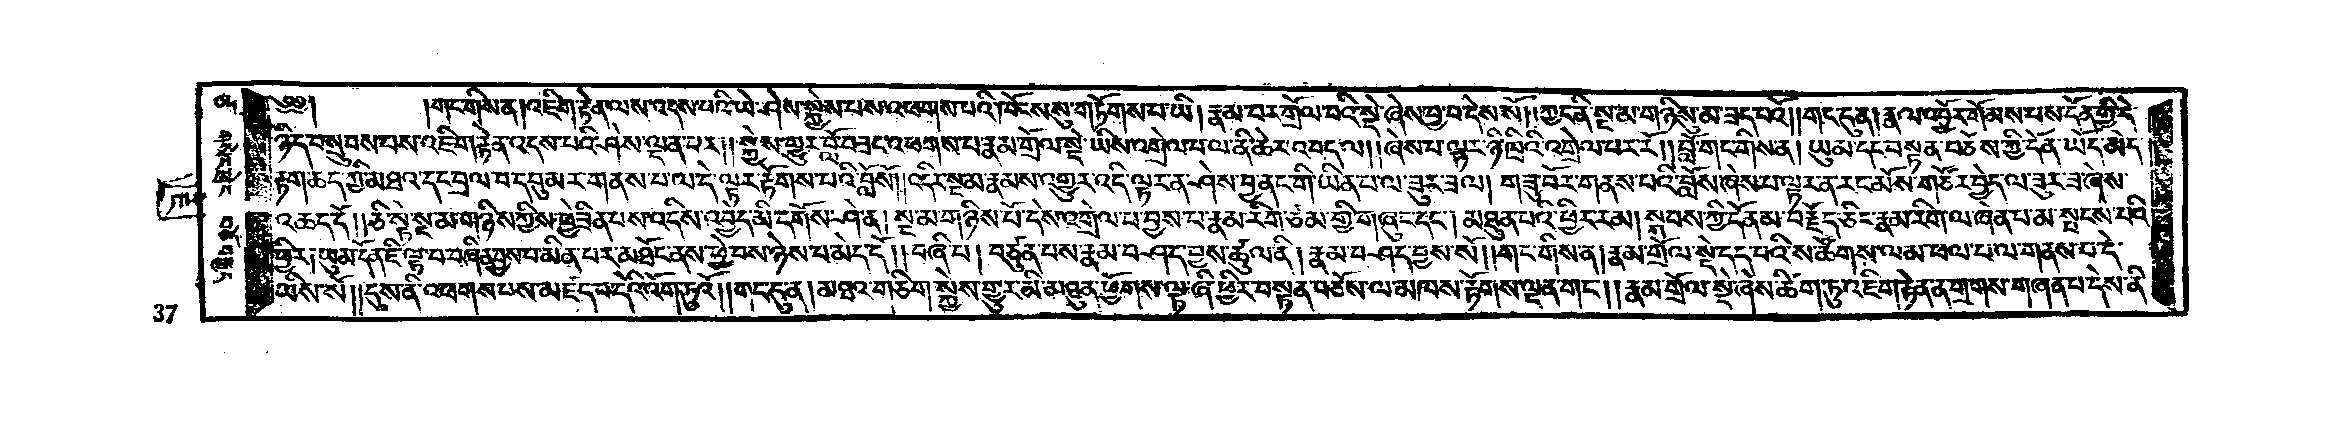༄༅། །གང་གིས་ན། འཇིག་རྟེན་ལས་འདས་པའི་ཡེ་ཤེས་སྐྱེས་པས་འཕགས་པའི་ཁོངས་སུ་གཏོགས་པ་ཡི། རྣམ་པར་གྲོལ་བའི་སྡེ་ཞེས་བྱ་བ་དེས་སོ། །ཀྱང་ནི་སྔ་མ་གཉིས་སུ་མ་ཟད་པའོ། །གང་དུ་ན། རྣལ་འབྱོར་གོམས་པས་དོན་གྱི་དེ་
ཉིད་བསྲུབས་པས་འཇིག་རྟེན་འདས་པའི་ཤེས་ལྡན་པར། །སྐྱེས་གྱུར་བློ་བཟང་འཕགས་པ་རྣམ་གྲོལ་སྡེ་ཡིས་འགྲེལ་པ་ལ་ནི་ཆེར་འབད་ལ། །ཞེས་པ་ལྟར་ཉི་ཁྲིའི་འགྲེལ་པར་རོ། །བློ་གང་གིས་ན། ཡུམ་དང་བསྟན་བཅོས་ཀྱི་དོན་ཡོད་མེད་
རྟག་ཆད་ཀྱི་མཐའ་དང་བྲལ་བ་དབུ་མར་གནས་པ་ལ་དེ་ལྟར་རྟོགས་པའི་བློས་སོ། །འདིར་སྔ་མ་རྣམས་འགྱུར་འདི་ལྟར་ན་ཤེས་བྱ་ནང་གི་ཡིན་པ་ལ་ཟུར་ཟ་ལ། གཟུ་བོར་གནས་པའི་བློས་ཞེས་པ་ལྟར་ན་རང་མོས་གཙོར་བྱེད་ལ་ཟུར་ཟ་ཞེས་
འཆད་དོ། །ཅི་སྟེ་སྔ་མ་གཉིས་ཀྱིས་ཕྱེ་ཟིན་པས་འདིས་འབྱེད་མི་དགོས་ཤེ་ན། སྔ་མ་གཉིས་པོ་དེས་འགྲེལ་པ་བྱས་པ་རྣམ་རིག་ཙམ་གྱི་གཞུང་དང་། མཐུན་པའི་ཕྱིར་རམ། སྐབས་ཀྱི་དོན་མ་བརྗོད་ཅིང་རྣམ་རིག་ལ་ཞེན་པ་མ་སྤངས་པའི་
ཕྱིར། ཡུམ་དོན་ཇི་ལྟ་བ་བཞིན་བྱས་པ་མིན་པར་མཐོང་ནས་ཕྱེ་བས་ཉེས་པ་མེད་དོ། །བཞི་པ། བཙུན་པས་རྣམ་བཤད་བྱས་ཚུལ་ནི། རྣམ་བཤད་བྱས་སོ། །གང་གིས་ན། རྣམ་གྲོལ་སྡེ་དད་པའི་ས་ཚོགས་ལམ་ཕལ་པ་ལ་གནས་པ་དེ་
ཡིས་སོ། །དུས་ནི་འཕགས་པས་མཛད་པ་དེའི་འོག་ཏུའོ། །གང་དུ་ན། མཐའ་གཅིག་སྐྱེས་གྱུར་མི་མཐུན་ཕྱོགས་ལྟ་ཞི་ཕྱིར་བསྟན་བཅོས་ལ་མཁས་རྟོགས་ལྡན་གང་། །རྣམ་གྲོལ་སྡེ་ཞེས་ཚིག་ཏུ་འཇིག་རྟེན་ན་གྲགས་གཞན་པ་དེས་ནི་